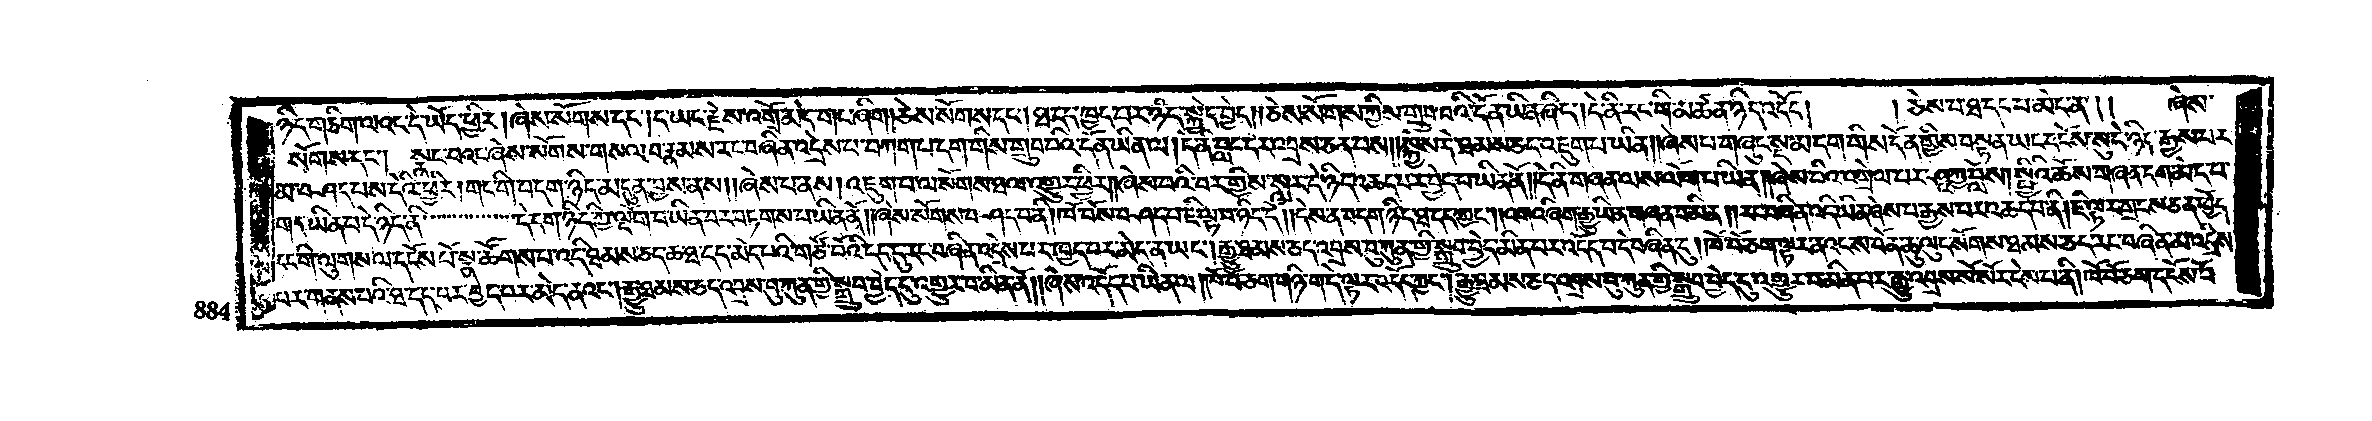ཉིད་གཅིག་ལའང་དེ་ཡོད་ཕྱིར། ཞེས་སོགས་དང་། དེ་ཡང་རྗེས་འགྲོ་མེད་གང་ཞིག། ཅེས་སོགས་དང་། ཐ་དད་ཁྱད་པར་ཉིད་སྐྱེད་བྱེད། ཅེས་སོགས་ཀྱིས་གྲུབ་པའི་དོན་ཡིན་ཞིང་། དེ་ནི་རང་གི་མཚན་ཉིད་འདོད། །ཅེས་པ་ཐ་དད་པ་མེད་ན། ཞེས་
སོགས་དང་། སྣང་བའང་ཞེས་སོགས་གསལ་ཨ་རྣམས་རང་བཞིན་འདྲེས་པ་བཀག་པ་དག་གིས་གྲུབ་པའི་དོན་ཡིན་ལ། དེ་ནི་བ་ལང་དོར་འབྲས་ཅན་པས། སྐྱེས་དེ་ཐམས་ཅད་འཇུག་པ་ཡིན། །ཞེས་པ་གཞུང་སྔ་མ་དག་གིས་དོན་གྱིས་བསྟན་ཡང་དངོས་སུ་དེ་ཉིད་རྒྱས་པར་
མ་བཤད་པས་དེའི་ཕྱིར། གང་གི་བདག་ཉིད་མདུན་བྱས་ན། །ཞེས་པ་ནས། འཇུག་པ་ལ་སོགས་ཐལ་འགྱུར་ཕྱིར། །ཞེས་བའི་བར་གྱིས་སླར་དེ་ཉིད་འཆད་པར་བྱེད་པ་ཡིན་ནོ། །དེ་ནི་གཞན་ལས་ལོག་པ་ཡིན། །ཞེས་པའི་འགྲེལ་བར་ཤཱཀྱ་བློས། སྤྱིའི་ཆོས་གཞན་དག་མེད་པ་
གང་ཡིན་པ་དེ་ཉིད་ནི་དེ་དག་ཉིད་ཀྱི་ལྡོག་པ་ཡིན་པར་བཏགས་པ་ཡིན་ནོ། །ཞེས་སོགས་བཤད་པ་ནི། ཁོ་བོས་བཤད་པ་ཇི་ལྟ་བ་ཉིད་དོ། །དེས་ན་བདག་ཉིད་ཐ་དད་ཀྱང་། །འགའ་ཞིག་རྒྱུ་ཡིན་ནི། ཇི་ལྟར་གྲངས་ཅན་ཕྱེད་
རང་གི་ལུགས་ལ་དངོས་པོ་སྣ་ཚོགས་པ་འདི་ཐམས་ཅད་ཆ་ཐ་དད་མེད་པའི་གཙོ་བོའི་ནང་དུ་རང་བཞིན་འདྲེས་པར་ཁྱད་པར་མེད་ན་ཡང་། རྒྱུ་ཐམས་ཅད་འབྲས་བུ་ཀུན་གྱི་སྒྲུབ་བྱེད་མིན་པར་འདོད་པ་དེ་བཞིན་དུ། ཁོ་བོ་ཅག་ལྟར་ནའང་ས་བོན་ཆུ་ལུད་སོགས་ཐམས་ཅད་རང་བཞིན་མ་འདྲིས་
པར་གནས་པའི་ཐ་དད་པར་བྱེད་ཁྱད་མེད་ནའང་། རྒྱུ་ཐམས་ཅད་འབྲས་བུ་ཀུན་གྱི་སྒྲུབ་བྱེད་དུ་འགྱུར་བ་ཡིན་ནོ། །ཞེས་འདོད་པ་ཡིན་ལ། ཁོ་བོ་ཅག་གཉི་ག་དེ་ལྟར་འདོད་ཀྱང་། རྒྱུ་ཐམས་ཅད་འབྲས་བུ་ཀུན་གྱི་སྒྲུབ་བྱེད་དུ་འགྱུར་བ་མིན་པར་རྒྱུ་འབྲས་སོ་སོར་ངེས་པ་ནི། ཁོ་བོ་ཅག་དངོས་པོ་